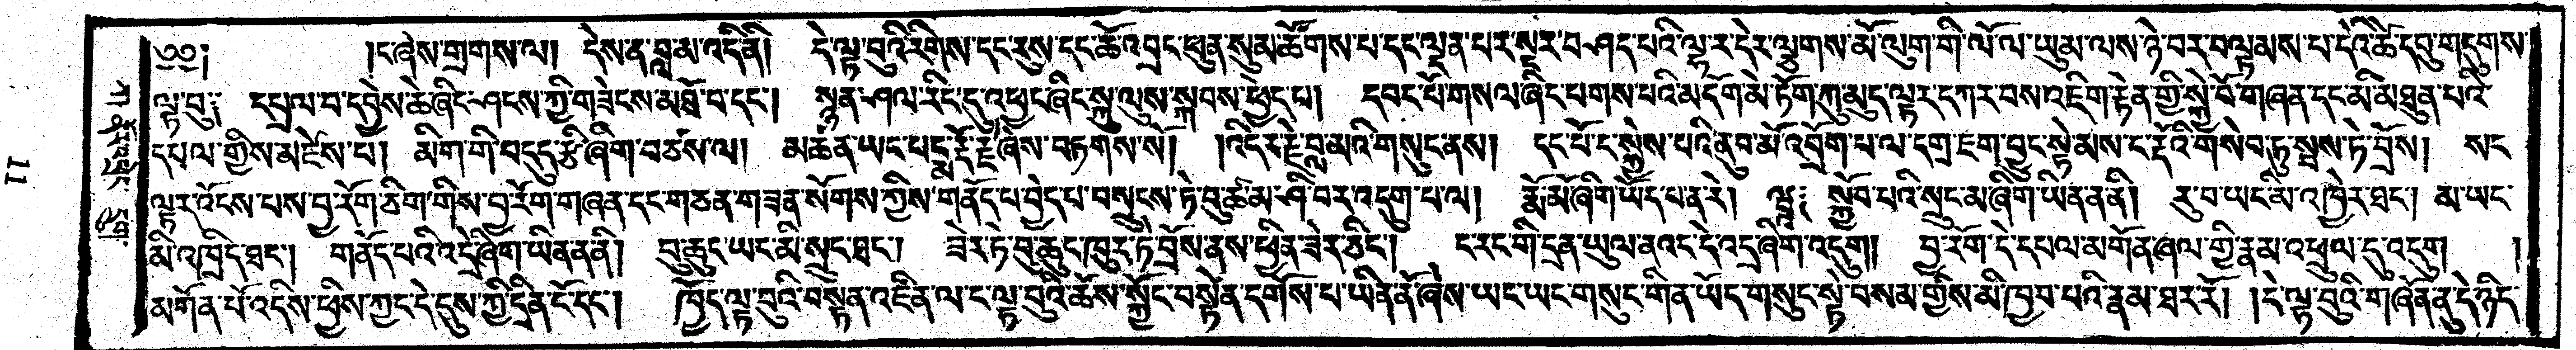༄༅། །ང་ཞེས་གྲགས་ལ། དེས་ན་བླ་མ་འདི་ནི། དེ་ལྟ་བུའི་རིགས་དང་རུས་དང་ཆོ་འབྲང་ཕུན་སུམ་ཚོགས་པ་དང་ལྡན་པར་སྔར་བཤད་པའི་ལྷ་ར་དེར་ལྕགས་མོ་ལུག་གི་ལོ་ལ་ཡུམ་ལས་ཉེ་བར་བལྟམས་པ་དེའི་ཚེ་དབུ་གདུགས་
ལྟ་བུ༑ དཔྲལ་བ་དབྱེས་ཆེ་ཞིང་ཤངས་ཀྱི་གཟེངས་མཐོ་བ་དང་། སྙན་ཤལ་རིང་དུ་འཕྱང་ཞིང་སྐུ་ལུས་སྐབས་ཕྱེད་པ། དབང་པོ་གསལ་ཞིང་པགས་པའི་མདོག་མེ་ཏོག་ཀུ་མུད་ལྟར་དཀར་བས་འཇིག་རྟེན་གྱི་སྐྱེ་བོ་གཞན་དང་མི་མཐུན་པའི་
དཔལ་གྱིས་མཛེས་པ། མིག་གི་བདུད་རྩི་ཞིག་བཙས་ལ། མཚན་ཡང་པདམ་རྡོ་རྗེ་ཞེས་བཏགས་སོ། །འདིར་རྗེ་བླ་མའི་གསུང་ནས། དང་པོ་ང་སྐྱེས་པའི་ནུབ་མོ་འབྲོག་པ་ལ་དགྲ་ཇག་བྱུང་སྟེ་མས་ང་རྡོའི་གསེབ་ཏུ་སྦས་ཏེ་བྲོས། སང་
ལྟར་འོངས་པས་བྱ་རོག་ཅིག་གིས་བྱ་རོག་གཞན་དང་གཅན་གཟན་སོགས་ཀྱིས་གནོད་པ་བྱེད་པ་བསྲུངས་ཏེ་བུ་ཚ་མ་ཤི་བར་འདུག་པ་ལ། རྨོ་མོ་ཞིག་ཡོད་པ་ན་རེ། ཝཱ༑ སྐྱོབ་པའི་སྲུང་མ་ཞིག་ཡིན་ན་ནི། རུ་བ་ཡང་མི་འཁྱེར་ཐང་། མ་ཡང་
མི་འཁྲིད་ཐང་། གནོད་པའི་འདྲེ་ཞིག་ཡིན་ན་ནི། བུ་ཆུང་ཡང་མི་སྲུང་ཐང་། ཟེར་ཏེ་བུ་ཆུང་ཁུར་ཏེ་བྲོས་ནས་ཕྱིན་ཟེར་ཅིང་། ང་རང་གི་དྲན་ཡུལ་ནའང་དེ་འདྲ་ཞིག་འདུག། བྱ་རོག་དེ་དཔལ་མགོན་ཞལ་གྱི་རྣམ་འཕྲུལ་དུ་འདུག །
མགོན་པོ་འདིས་ཕྱིས་ཀྱང་དེ་དུས་ཀྱི་དྲིན་ངོ་དང་། ཁྱོད་ལྟ་བུའི་བསྟན་འཛིན་ལ་ང་ལྟ་བུའི་ཆོས་སྐྱོང་བསྟེན་དགོས་པ་ཡིན་ནོ་ཞེས་ཡང་ཡང་གསུང་གིན་ཡོད་གསུང་སྟེ་བསམ་གྱིས་མི་ཁྱབ་པའི་རྣམ་ཐར་རོ། །དེ་ལྟ་བུའི་གཞོན་ནུ་དེ་ཉིད་